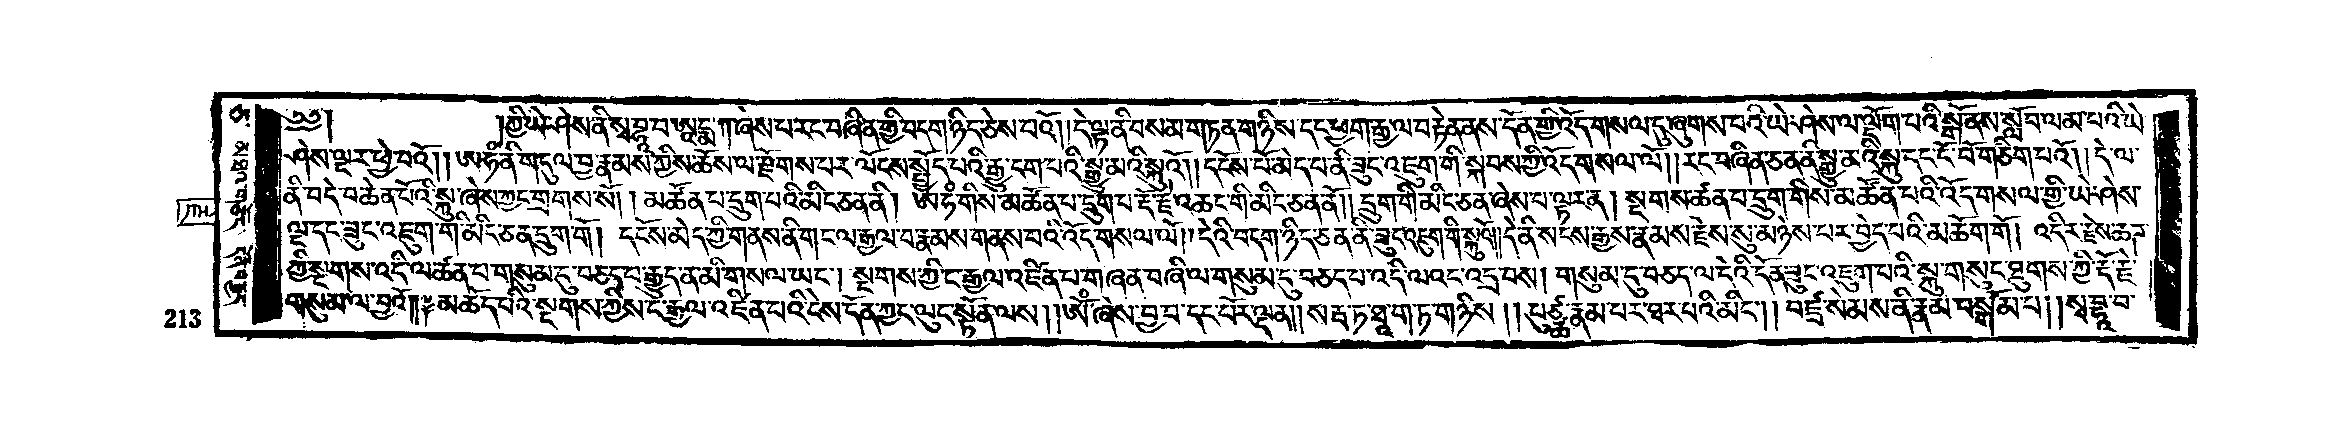༄༅། །ཀྱི་ཡེ་ཤེས་ནི་སྭ་བྷཱ་བ་ཨཱདམ་ཀ་ཞེས་པ་རང་བཞིན་གྱི་བདག་ཉིད་ཅེས་པའོ། །དེ་ལྟ་ནི་བསམ་གཏན་གཉིས་དང་ཕྱག་རྒྱ་ལ་བརྟེན་ནས་དོན་གྱི་འོད་གསལ་དུ་ཞུགས་པའི་ཡེ་ཤེས་ལ་ལྡོག་པའི་སྒོ་ནས་སློབ་ལམ་པའི་ཡེ་
ཤེས་ལྔར་ཕྱེ་བའོ། །ཨ་ཧཾ་ནི་གདུལ་བྱ་རྣམས་ཀྱིས་ཆོས་ལ་རྫོགས་པར་ལོངས་སྤྱོད་པའི་རྒྱུ་དག་པའི་སྒྱུ་མའི་སྐུའོ། །དངོས་པོ་མེད་པ་ནི་ཟུང་འཇུག་གི་སྐབས་ཀྱི་འོད་གསལ་ལོ། །རང་བཞིན་ཅན་ནི་སྒྱུ་མའི་སྐུ་དང་ངོ་བོ་གཅིག་པའོ། །དེ་ལ་
ནི་བདེ་བ་ཆེན་པོའི་སྐུ་ཞེས་ཀྱང་གྲགས་སོ། །མཚོན་པ་དྲུག་པའི་མིང་ཅན་ནི། ཨ་ཧཾ་གིས་མཚོན་པ་དྲུག་པ་རྡོ་རྗེ་འཆང་གི་མིང་ཅན་ནོ། །དྲུག་གི་མིང་ཅན་ཞེས་པ་ལྟར་ན། སྔགས་ཚན་པ་དྲུག་གིས་མཚོན་པའི་འོད་གསལ་གྱི་ཡེ་ཤེས་
ལྔ་དང་ཟུང་འཇུག་གི་མིང་ཅན་དྲུག་གོ །དངོས་མེད་ཀྱི་གནས་ནི་གང་ལ་རྒྱལ་བ་རྣམས་གནས་པའི་འོད་གསལ་ལོ། །དེའི་བདག་ཉིད་ཅན་ནི་ཟུང་འཇུག་གི་སྐུའོ། །དེ་ནི་སངས་རྒྱས་རྣམས་རྗེས་སུ་མཉེས་པར་བྱེད་པའི་མཆོག་གོ །འདིར་རྗེས་ཆགས་
ཀྱི་སྔགས་འདི་ལ་ཚན་པ་གསུམ་དུ་བཅད་པ་རྒྱུད་ན་མི་གསལ་ཡང་། སྔགས་ཀྱི་ང་རྒྱལ་འཛིན་པ་གཞན་བཞི་ལ་གསུམ་དུ་བཅད་པ་འདི་ལའང་འདྲ་བས། གསུམ་དུ་བཅད་ལ་དེའི་དོན་ཟུང་འཇུག་པའི་སྐུ་གསུང་ཐུགས་ཀྱི་རྡོ་རྗེ་
གསུམ་ལ་བྱའོ།། ༈ མཆོད་པའི་སྔགས་ཀྱིས་ང་རྒྱལ་འཛིན་པའི་ངེས་དོན་ཀྱང་ལུང་སྟོན་ལས། །ཨོཾ་ཞེས་བྱ་བ་དང་པོར་ལྡན། །སརྦ་ཏ་ཐཱ་ག་ཏ་གཉིས། །པུཙྪ་རྣམ་པར་ཐར་པའི་མིང་། །བཛྲ་སེམས་ནི་རྣམ་བསྒོམ་པ། །སྭ་བྷཱ་བ་